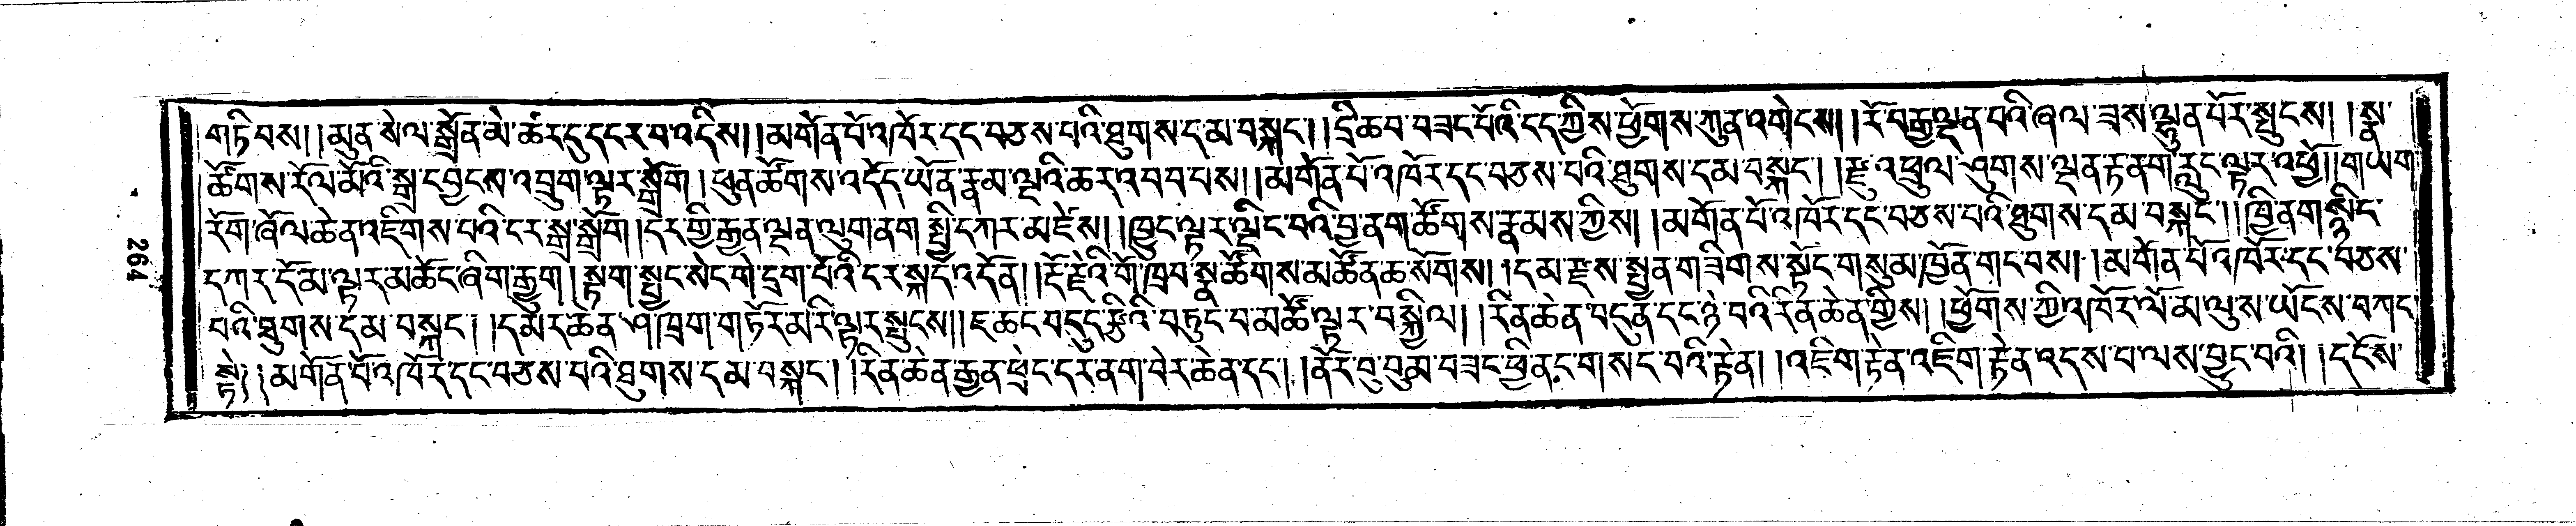གཏིབས། །མུན་སེལ་སྒྲོན་མེ་ཚར་དུ་དངར་བ་འདིས། །མགོན་པོ་འཁོར་དང་བཅས་པའི་ཐུགས་དམ་བསྐང་། །དྲི་ཆབ་བཟང་པོའི་ངད་ཀྱིས་ཕྱོགས་ཀུན་འགེངས། །རོ་བརྒྱ་ལྡན་པའི་ཞལ་ཟས་ལྷུན་པོར་སྤུངས། །སྣ་
ཚོགས་རོལ་མོའི་སྒྲ་དབྱངས་འབྲུག་ལྟར་སྒྲོག །ཕུན་ཚོགས་འདོད་ཡོན་རྣམ་ལྔའི་ཆར་འབབ་པས། །མགོན་པོ་འཁོར་དང་བཅས་པའི་ཐུགས་དམ་བསྐང་། །རྫུ་འཕྲུལ་ཤུགས་ལྡན་རྟ་ནག་རླུང་ལྟར་འཕྱོ། །གཡག་
རོག་ཞོལ་ཆེན་འཇིགས་པའི་ངར་སྒྲ་སྒྲོག །དར་གྱི་རྒྱན་ལྡན་ལུག་ནག་སྤྱི་དཀར་མཛེས། །ཁྱུང་ལྟར་ལྡིང་བའི་བྱ་ནག་ཚོགས་རྣམས་ཀྱིས། །མགོན་པོ་འཁོར་དང་བཅས་པའི་ཐུགས་དམ་བསྐང་། །ཁྱི་ནག་སྙིང་
དཀར་དོམ་ལྟར་མཆོང་ཞིག་རྒྱུག །སྟག་སྤྱང་སེང་གེ་དྲག་པོའི་ངར་སྐད་འདོན། །རྡོ་རྗེའི་གོ་ཁྲབ་སྣ་ཚོགས་མཚོན་ཆ་སོགས། །དམ་རྫས་སྤྱན་གཟིགས་སྟོང་གསུམ་ཁྱོན་གང་བས། །མགོན་པོ་འཁོར་དང་བཅས་
པའི་ཐུགས་དམ་བསྐང་། །དམར་ཆེན་ཤ་ཁྲག་གཏོར་མ་རི་ལྟར་སྤུངས། །ཇ་ཆང་བདུད་རྩིའི་བཏུང་བ་མཚོ་ལྟར་བསྐྱིལ། །རིན་ཆེན་བདུན་དང་ཉེ་བའི་རིན་ཆེན་གྱིས། །ཕྱོགས་ཀྱི་འཁོར་ལོ་མ་ལུས་ཡོངས་བཀང་
སྟེ༑ ༑མགོན་པོ་འཁོར་དང་བཅས་པའི་ཐུགས་དམ་བསྐང་། །རིན་ཆེན་རྒྱན་ཕྲེང་དར་ནག་བེར་ཆེན་དང་། །ནོར་བུ་བུམ་བཟང་ཕྱི་ནང་གསང་བའི་རྟེན། །འཇིག་རྟེན་འཇིག་རྟེན་འདས་པ་ལས་བྱུང་བའི། །དངོས་